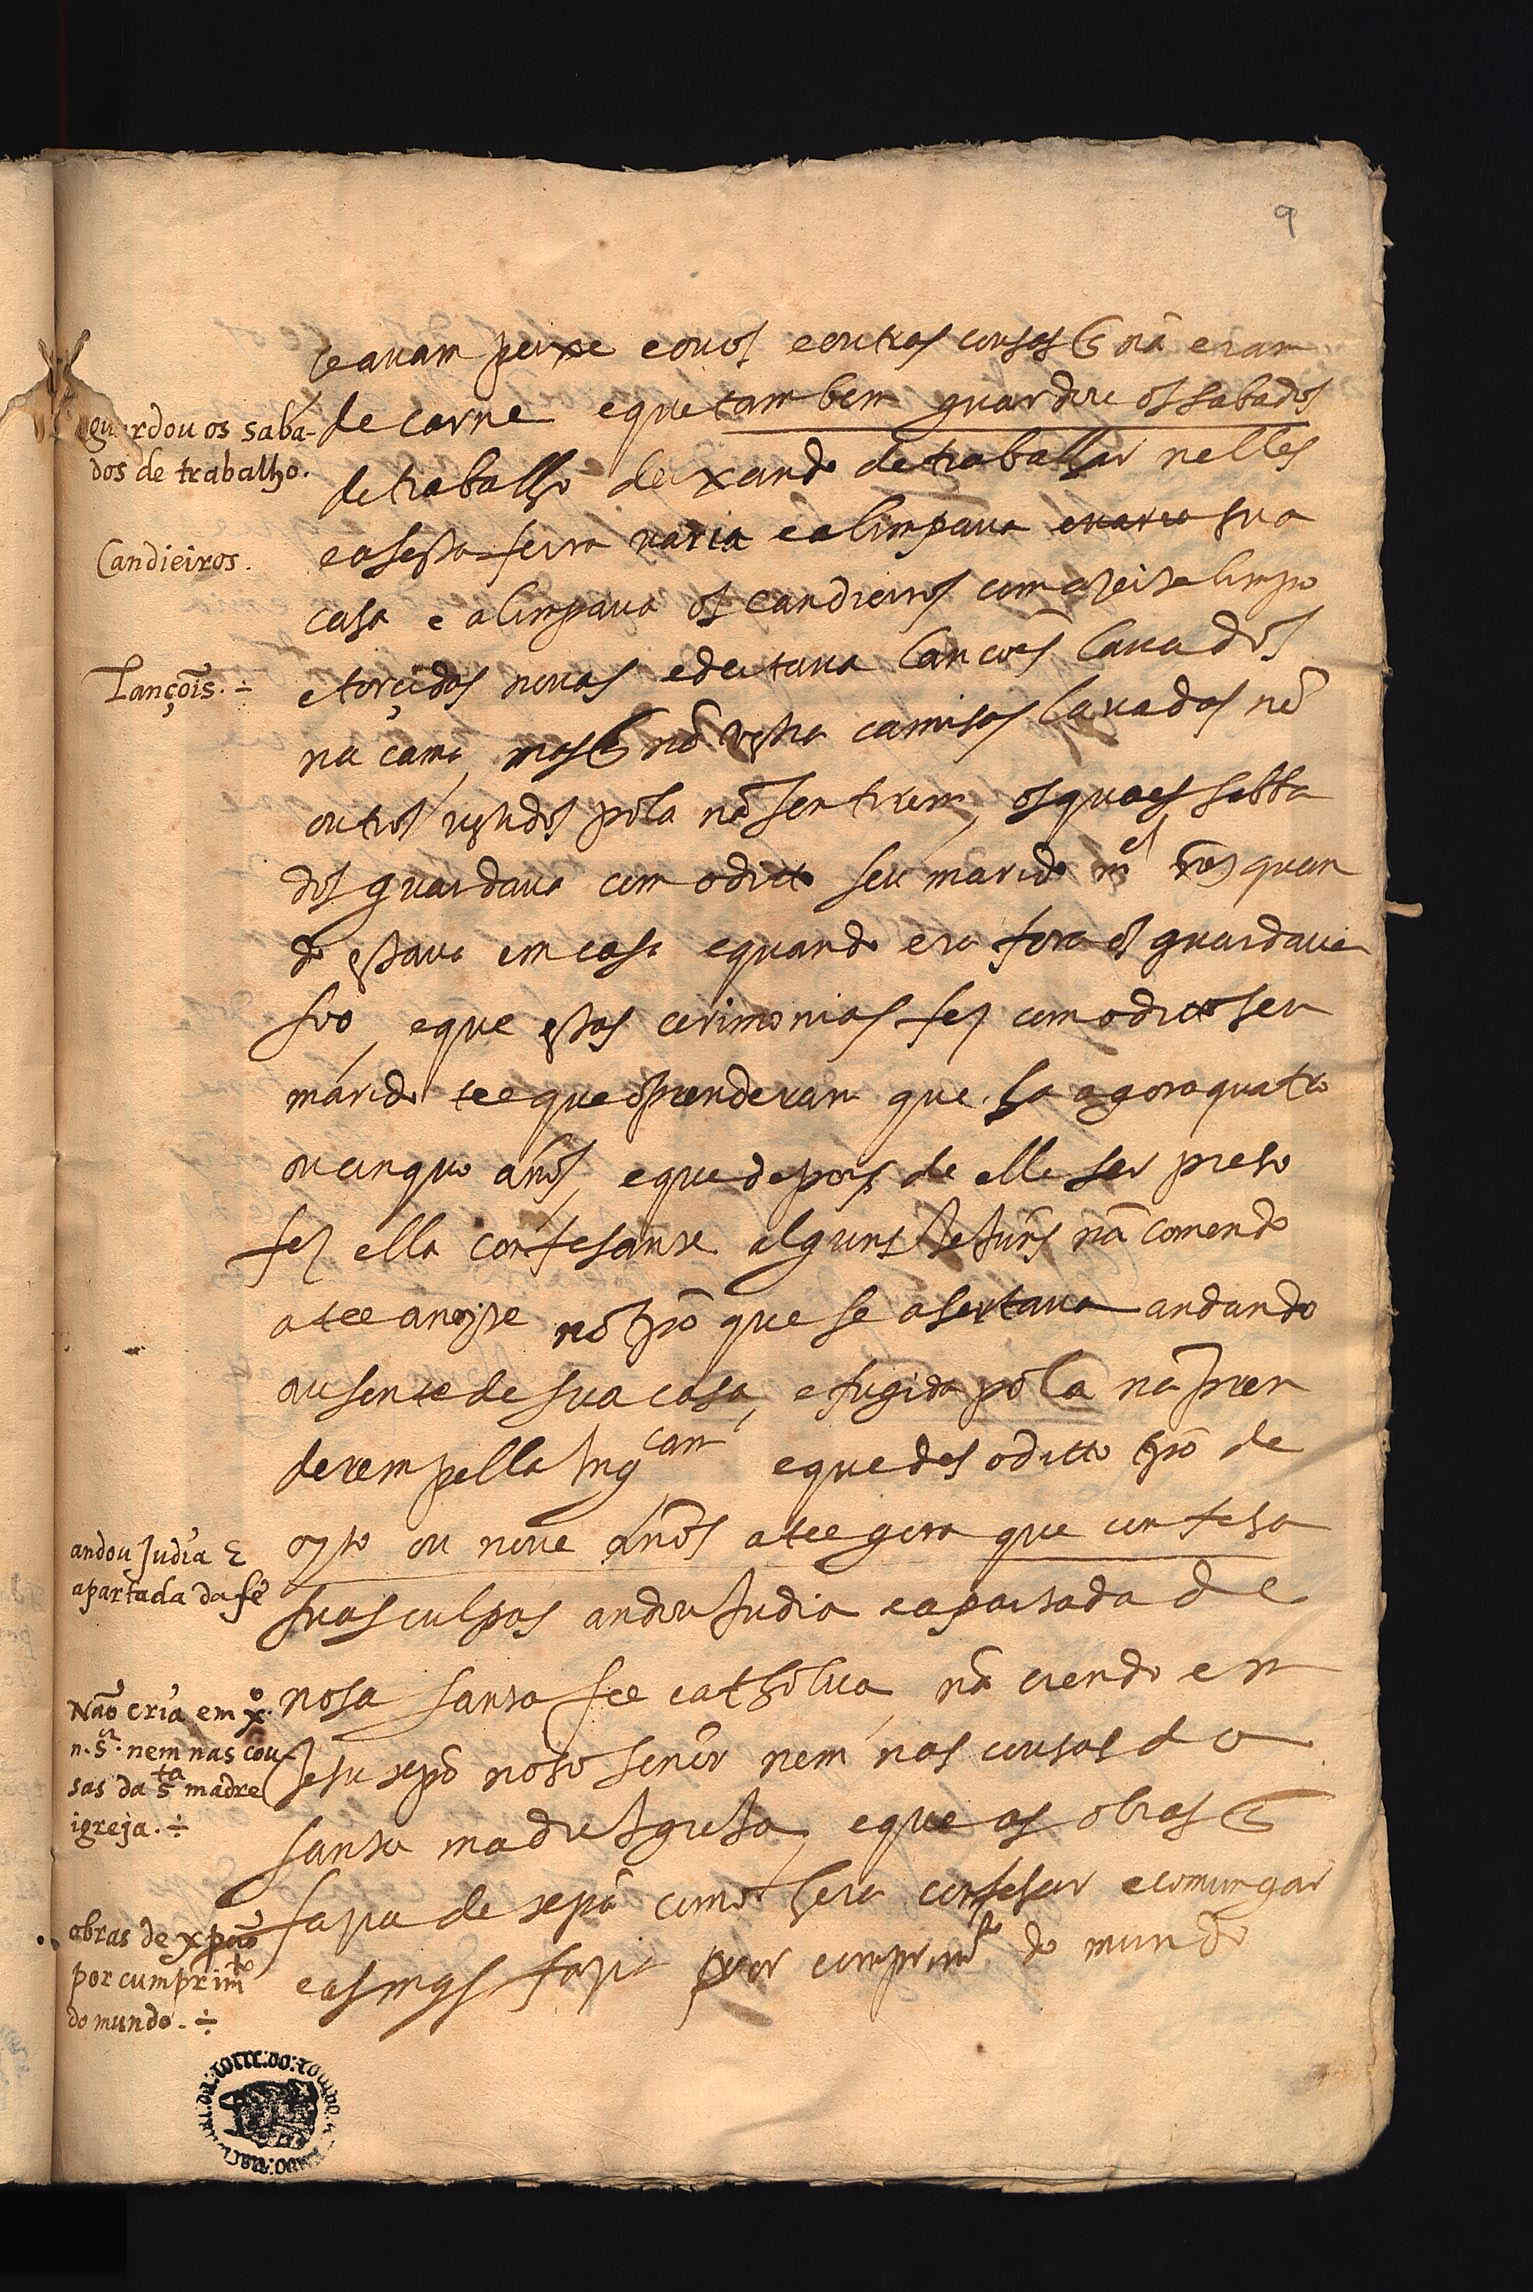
ceavam peixe e ovos e outras cousas q̄ nā eram
de carne e que também guardou os sabados
de trabalho deixando de trabalhar nelles
e a sesta feira varia e alimpava _ sua
casa e alimpava os candeeiros com azeite limpo
e torçidas novas e deitava lancoes̄ lavados
na cama, mas q̄ nā vstia camisas lavadas nē
outros vestidos pola nā sentirem, os quaes sabba
dos guardava com o dito seu marido mel vāz quan
do estava em casa e quando era fora os guardava
soo, e que estas cerimonias fez com o dito seu
marido tee que o prenderam que ha agora quatro
ou cinquo an̄os, e que depois de elle ser preso
fez ella confesante alguns jejun̄s nā comendo
atee a noyte no tpō que se asertava andando
ausente de sua casa, e fugida pola nā pren
derem pella Inqcam e que des o ditto tpō de
oyto ou nove anōs atee gora que confesa
suas culpas andou Judia e apartada de
nosa santa fee catholica, nā crendo em
Jesu xpō noso senōr nem nas cousas da
santa madre Jgreja, e que as obras q̄
fazia de xpā como hera confesar e comungar
e as majs fazia por comprimto do mundo
